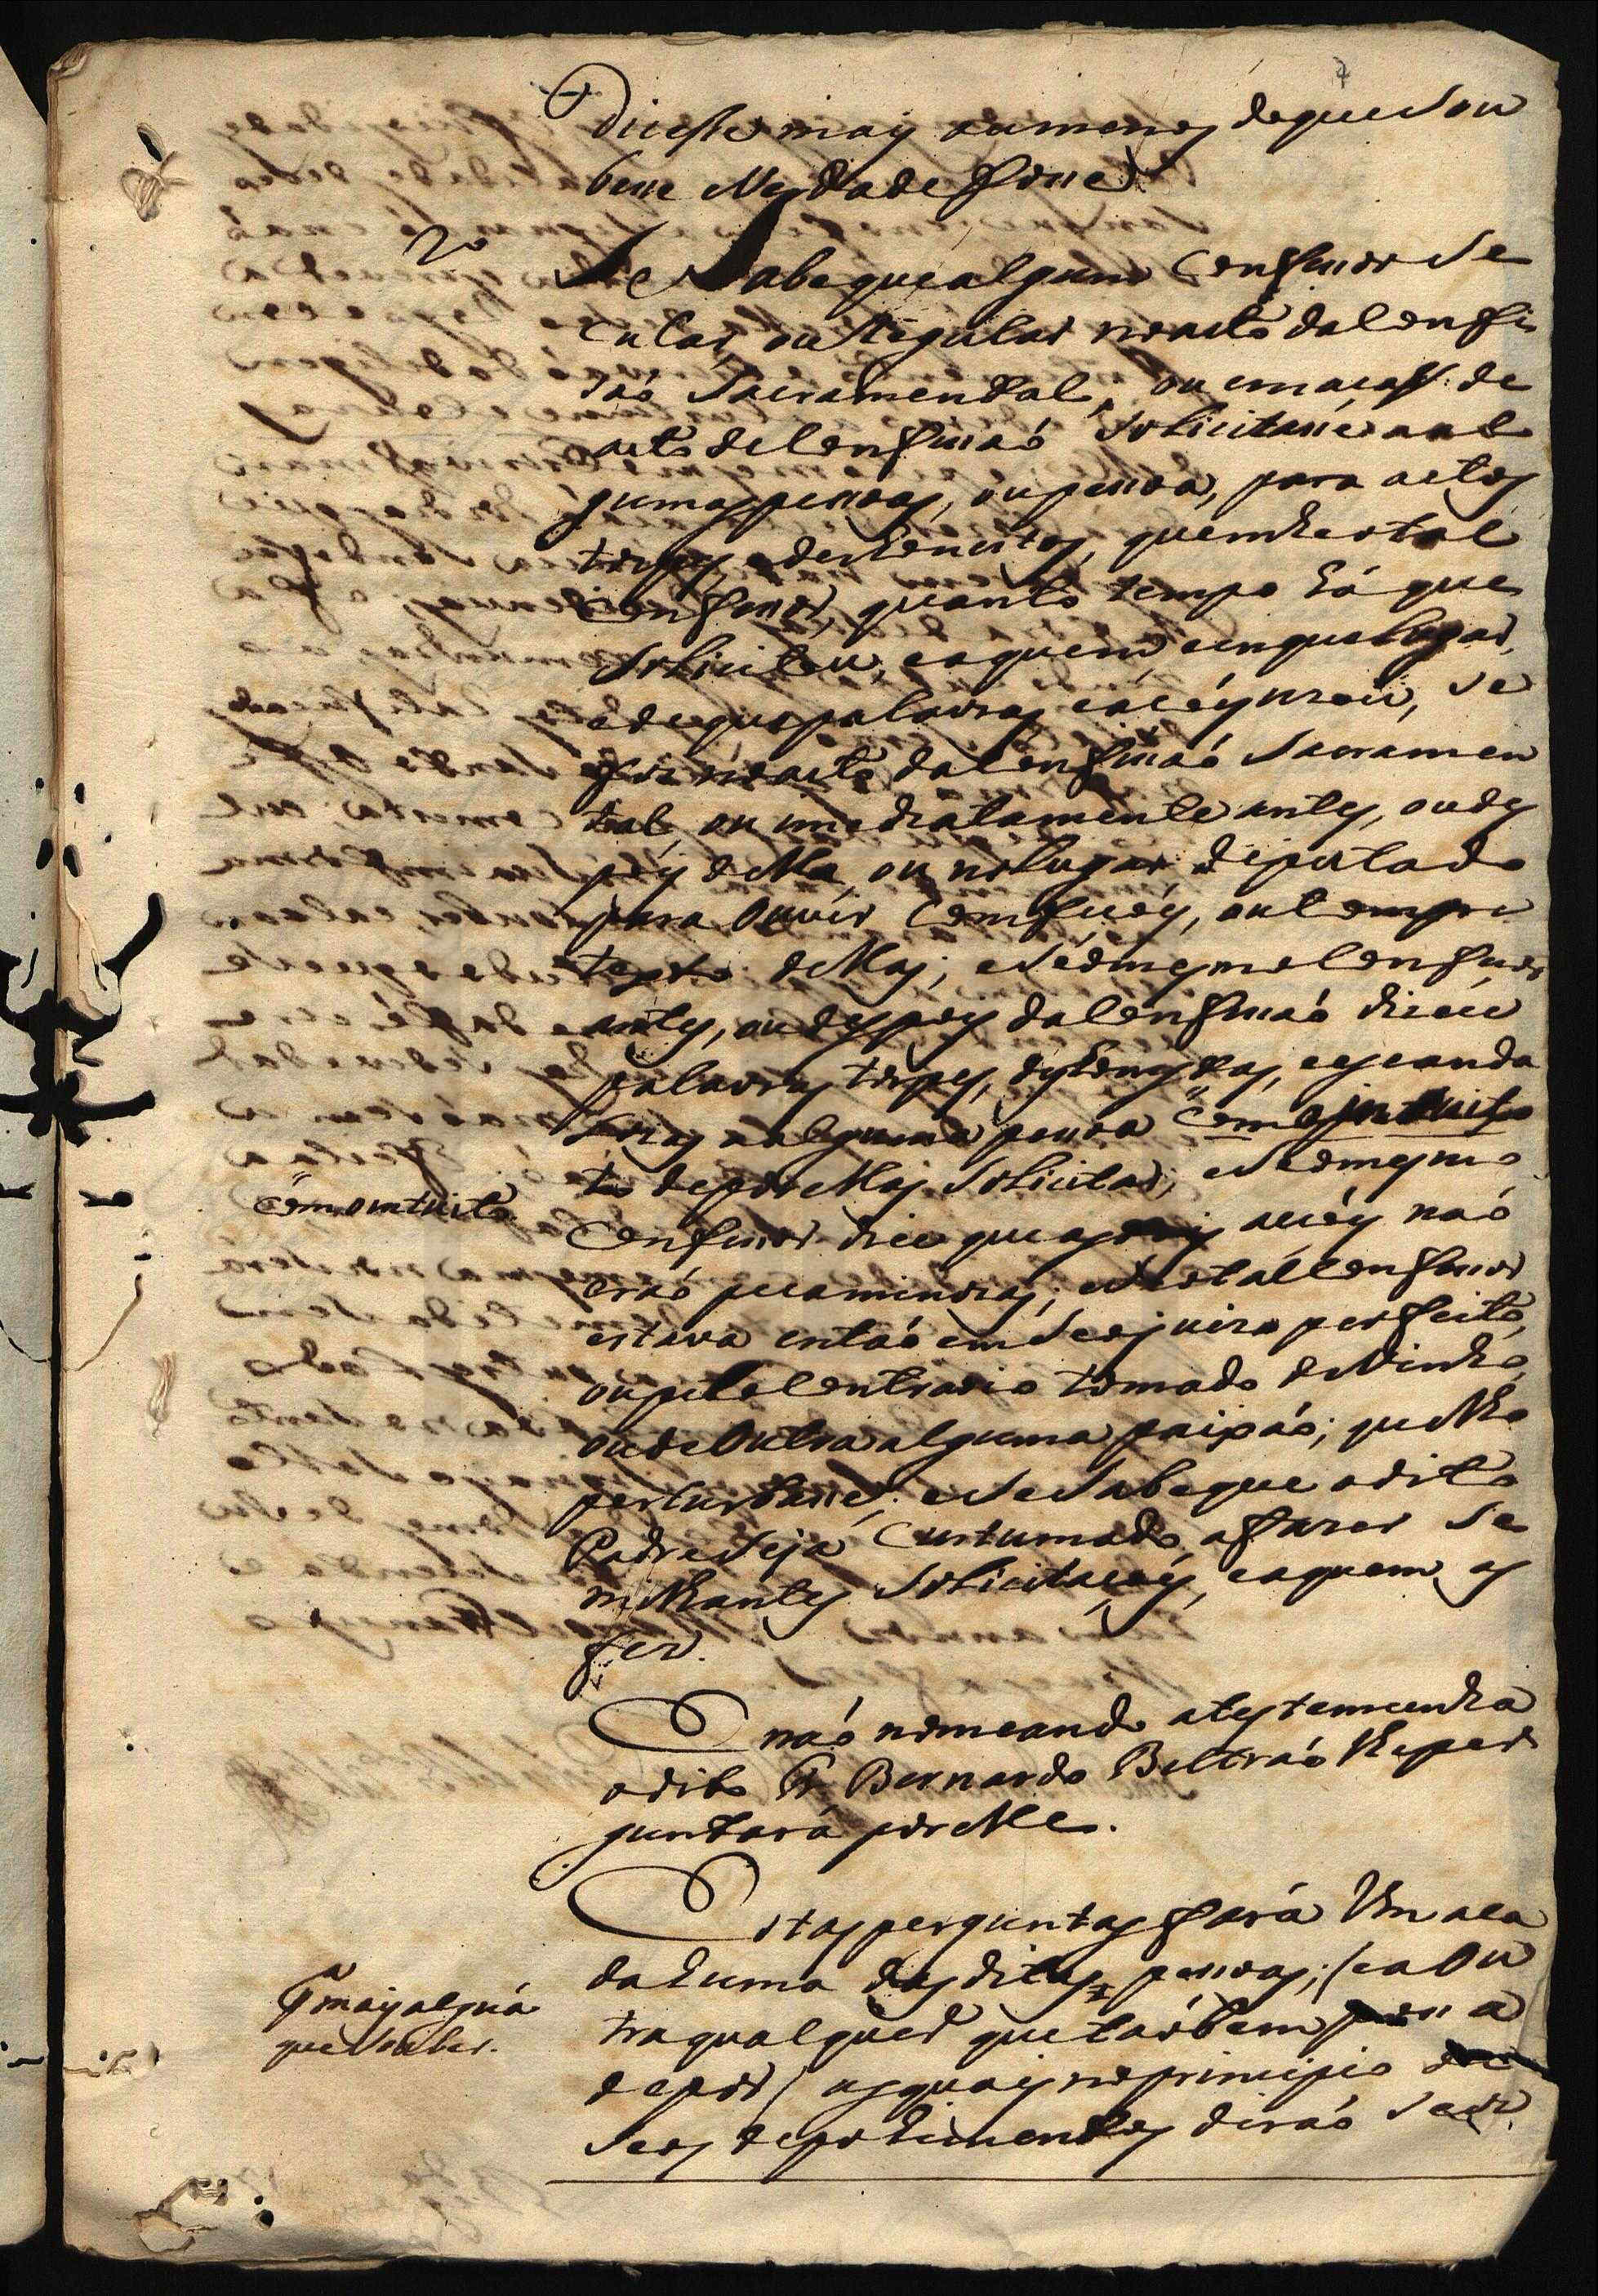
com o intuito.
p.a mais alguā
que souber.
dicesse mais ou menos do que sou
besse e verdade fosse
Se Sabe que algum confessor se
cular, ou Regular no acto da confi
saõ sacramental, ou em açaõ de
acto de confissaõ solicitasse a al
algumas pessoas, ou pessoa, para actos
torpes, e deshonestos, quem he o tal
confessor, quanto tempo há que
solicitou, e a quem, e em que lugar,
e de que palavras, e ações uzou, se
foi no acto da confissaõ sacramen
tal, ou imediatamente antes, ou des
pois della, ou no lugar deputado
para ouuir comfições, ou com pre
texto dellas; e se o mesmo confeçor
antes, ou despois da confissaõ disece
palavras torpes, deshonestas, e escanda
lozas a alguma pessoa com o jntuito
to de por ellas solicitar; se o mesmo
confessor dice que as tais acções naõ
eraõ pecaminosas; e se o tal confessor
estava entaõ em seo juizo perfeito,
ou pelo contrario tomado de vinho
ou de Outra alguma paixaõ; que lho
perturbasse; e se sabe que o dito
Padre seja custumado a fazer se
milhantes solicitações, e a quem as
fez.
E naõ nomeando a testemunha
o dito Fr. Bernardo Beltraõ lhe per
guntará por elle.
Estas perguntas fará Vm a ca
da huma das ditas, pessoas; (e a Ou
tra qualquer que taõbem possa
depor) as quais no principio d
seos depohimentos diraõ seos,
